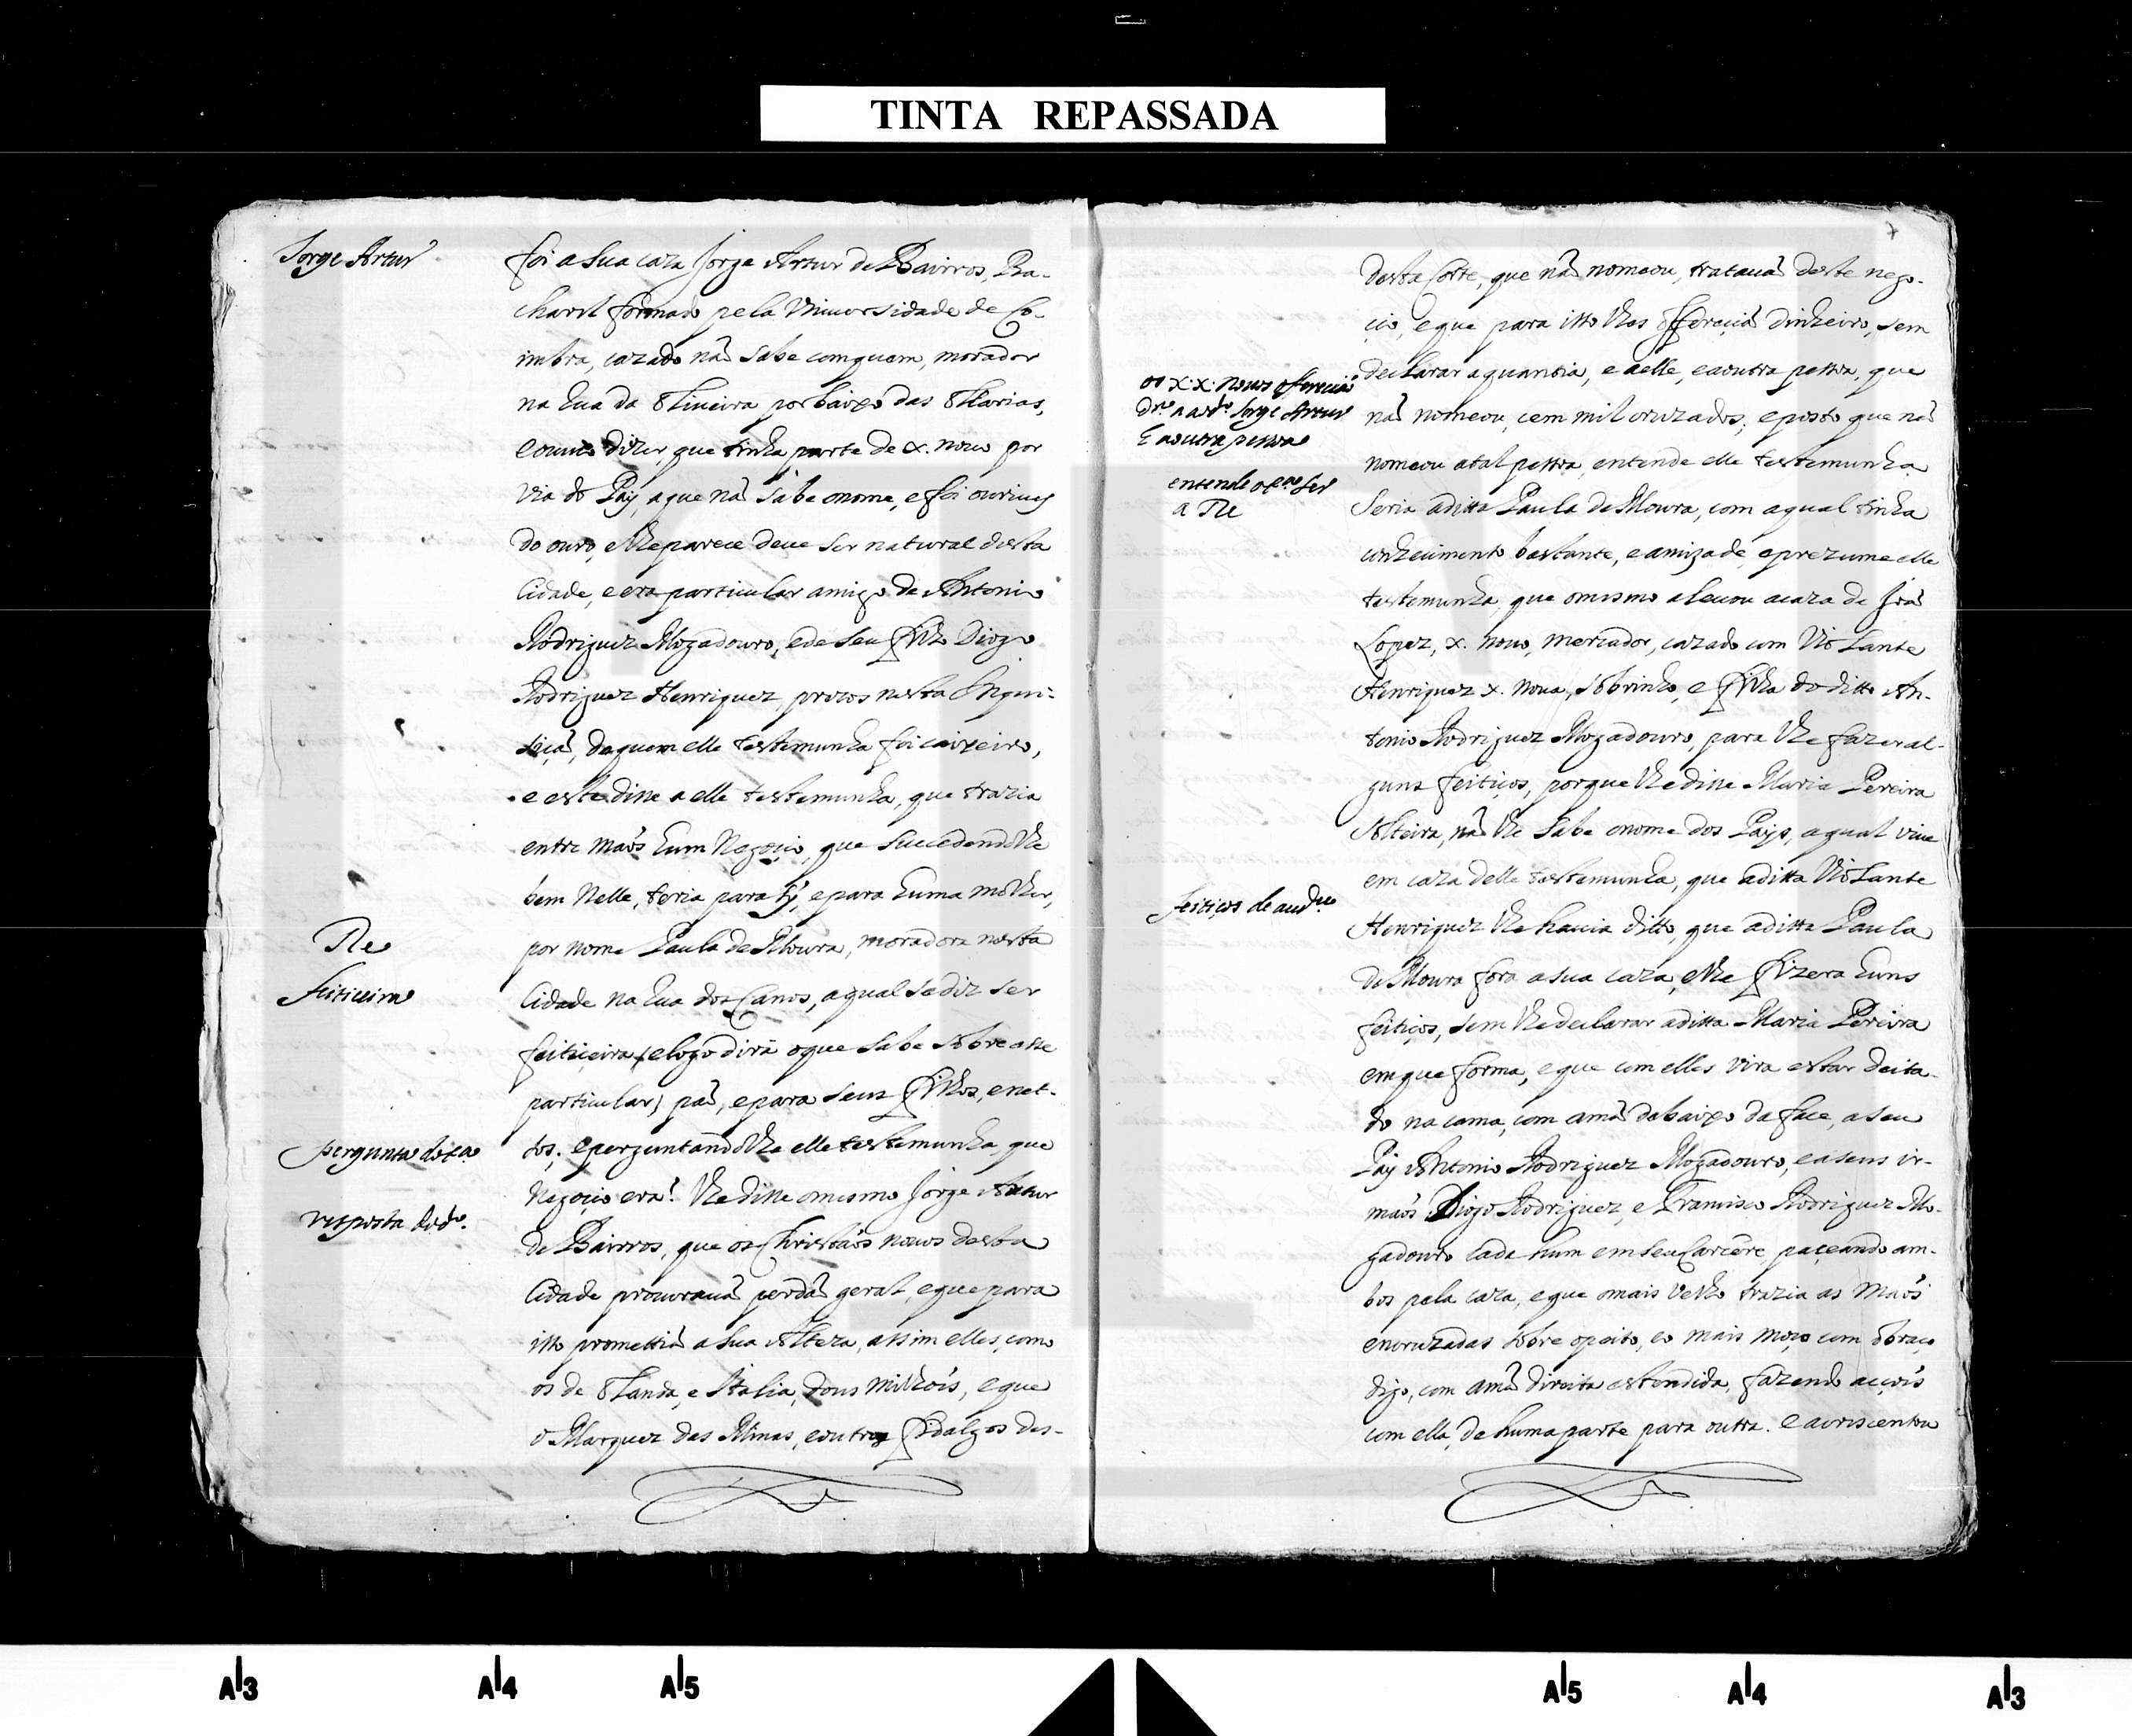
Iorge Artur
foi a sua caza Jorge Artur de Bairros, Ba
desta Corte, que naõ nomeou tratauaõ deste nego
charel formado pela Vniuersidade de Co
cio, e que para isso lhes offereciaõ dinheiro, sem
imbra, cazado naõ sabe com quem, morador
declarar a quantia, e a elle, e a outra pessoa, que
os x. x. nouos ofereciaõ
na Rua da oliueira por baixo das ollarias,
dr.o a ao d.o Iorge Artur
naõ nomeou, cem mil cruzados, e posto que naõ
E a outra pessoa
e ouuio dizer, que tinha parte de x. nouo por
nomeou a tal pessoa, entende elle testemunha
entende o t.a ser
via do Pay, a que naõ sabe o nome, e foi ouriues
Seria a ditta Paula de Moura, com a qual tinha
a Re
do ouro, e lhe parece deue ser natural desta
conhecimento bastante, e amizade e prezume elle
Cidade, e era particular amigo de Antonio
testemunha, que o mesmo a leuou a caza de Joaõ
Rodriguez Mogadouro, e de seu filho Diogo
Lopez, x. nouo, mercador, cazado com Violante
Henriquez x. noua, sobrinho, e filha do ditto An
Rodriguez Henriquez prezos nesta Inqui
tonio Rodriguez Mogadouro, para lhe fazer al
siçaõ, de quem elle testemunha foi caixeiro,
guns feitiços, porque lhe disse Maria Pereira
e este disse a elle testemunha, que trazia
solteira, naõ lhe sabe o nome dos Pays, a qual viue
entre maõs hum Nogocio, que succedendolhe
em caza delle testemunha, que a ditta Violante
bem nelle, teria para sy, e para huma molher,
Feitiços de aud.a
Henriquez lhe hauia ditto, que a ditta Paula
por nome Paula de Moura, moradora nesta
Re
de Moura fora a sua caza, e lhe fizera huns
Cidade na Rua dos Canos, a qual se diz ser
feiticeira
feitiços, sem lhe declarar a ditta Maria Pereira
feiticeira / e logo dirá o que sabe sobre esse
em que forma, e que com elles vira estar deita
particular, paõ, e para seus filhos, e net
do na cama, com a maõ dabaixo da face, a seu
tos; e perguntandolhe elle testemunha, que
pergunta do t.a
Pay Antonio Rodriguez Mogadouro, e a seus ir
negocio era? lhe disse o mesmo Jorge Artur
maõs Diogo Rodriguez, e Francisco Rodriguez Mo
resposta do do.
de Bairros, que os Christaõs nouos desta
gadouro cada hum em seu Carcere paceando am
Cidade procurauaõ perdaõ geral, e que para
bos pela caza, e que o mais velho trazia as maõs
encruzadas sobre o peito, e o mais moço com o braço
isso promettiaõ a Sua Alteza, assim elles, como
digo, com a maõ direita estendida, fazendo acçoĩs
os de Olanda, e Italia, dous milhoẽs, e que
com ella, de huma parte para outra. e acrescentou
o Marquez das Minas, e outros fidalgos des
